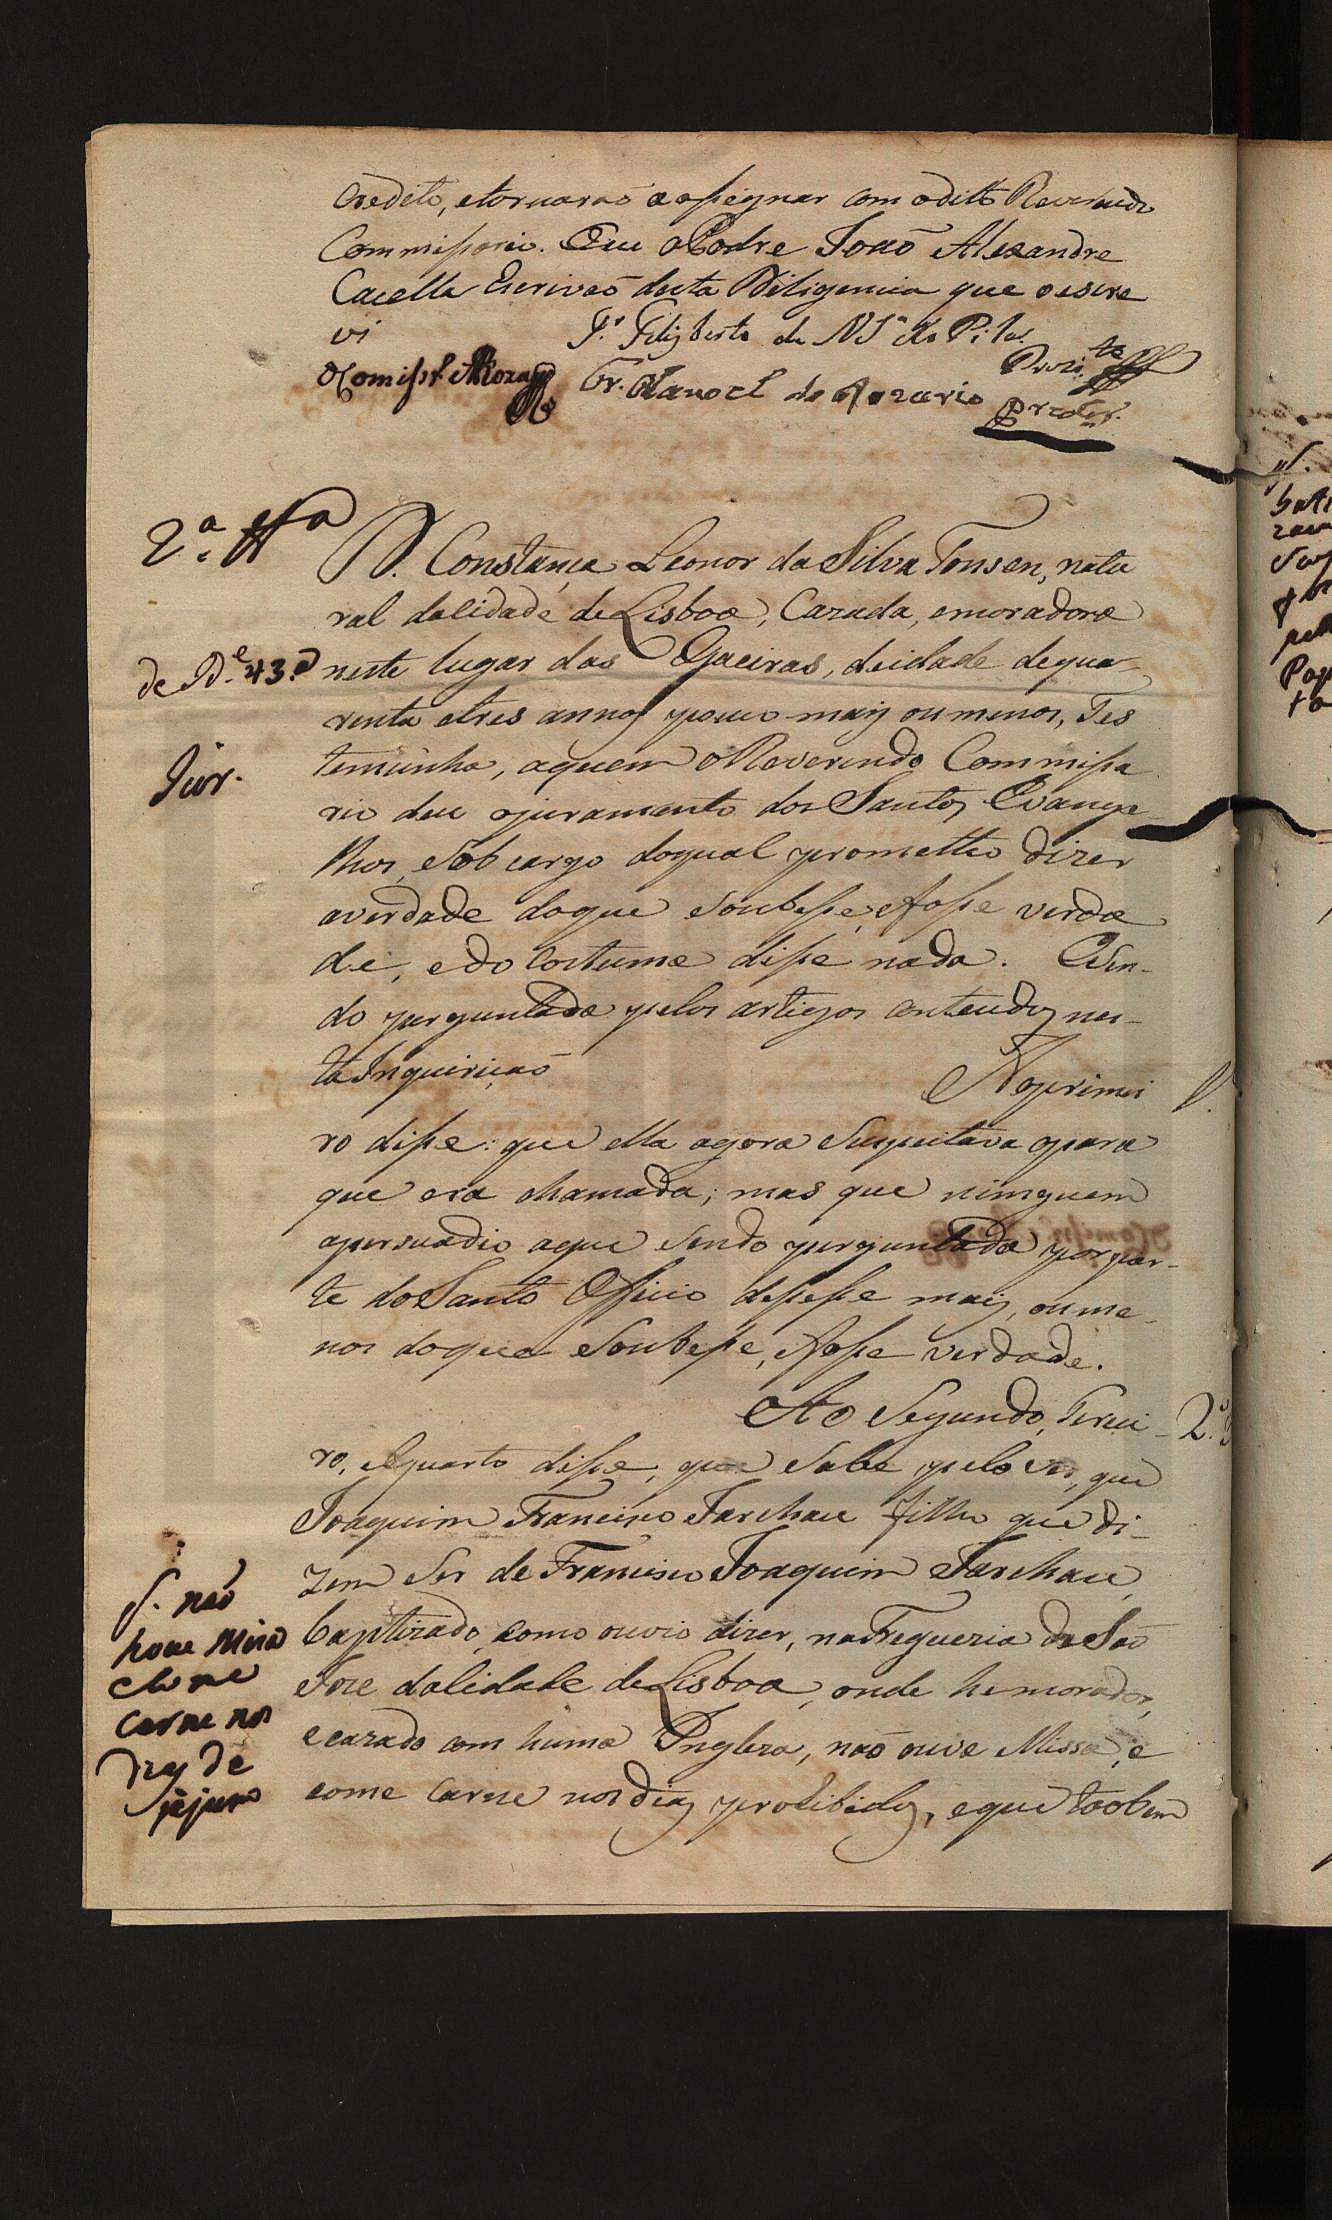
credito, e tornaraõ a assignar com o ditto Reverendo
Commissario. E eu o Padre Ioaõ Alexandre
Cacella Escrivaõ desta Diligencia que o escre
vi
F.r Felisberto de NSa do Pilar
Prezi.te
o Comissr.o Roza Fr. Manoel do Rozario predor
2.a tt.a
D. Constança Leonor da Silva Tonsen, natu
ral da cidade de Lisboa, Cazada, e moradora
de Id.e 43. ā
neste lugar das Gaeiras, de idade de qua
renta e tres annos pouco mais ou menos, Tes
temunha, a quem o Reverendo Commissa
Iur.
rio deu o juramento dos Santos Evange
lhos, sob cargo do qual prometteo dizer
a verdade do que soubesse, e fosse verda
de, e do costume disse nada. E sen
do perguntada pelos artigos conteudos nes
ta Inquiriçaõ
Ao primei
ro disse: que ella agora suspeitava o para
que era chamada; mas que nimguem
a persuadio a que sendo perguntada por par
te do Santo Officio dissesse mais, ou me
nos do que Soubesse, e fosse verdade.
Ao Segundo, Tercei
ro, e Quarto disse, que sabe pelo ver, que
Ioaquim Francisco Iarchau filho que di
zem Ser de Francisco Ioaquim Iarchau
q̄. naõ
houe Misa
e come
carne nos
dias de
jejum
baptizado como ouvio dizer, na Freguezia de Saõ
Ioze da Cidade de Lisboa onde he morador,
e cazado com huma Ingleza, naõ ouve Missa, e
come carue nos dias prohibidos, e que taobem
